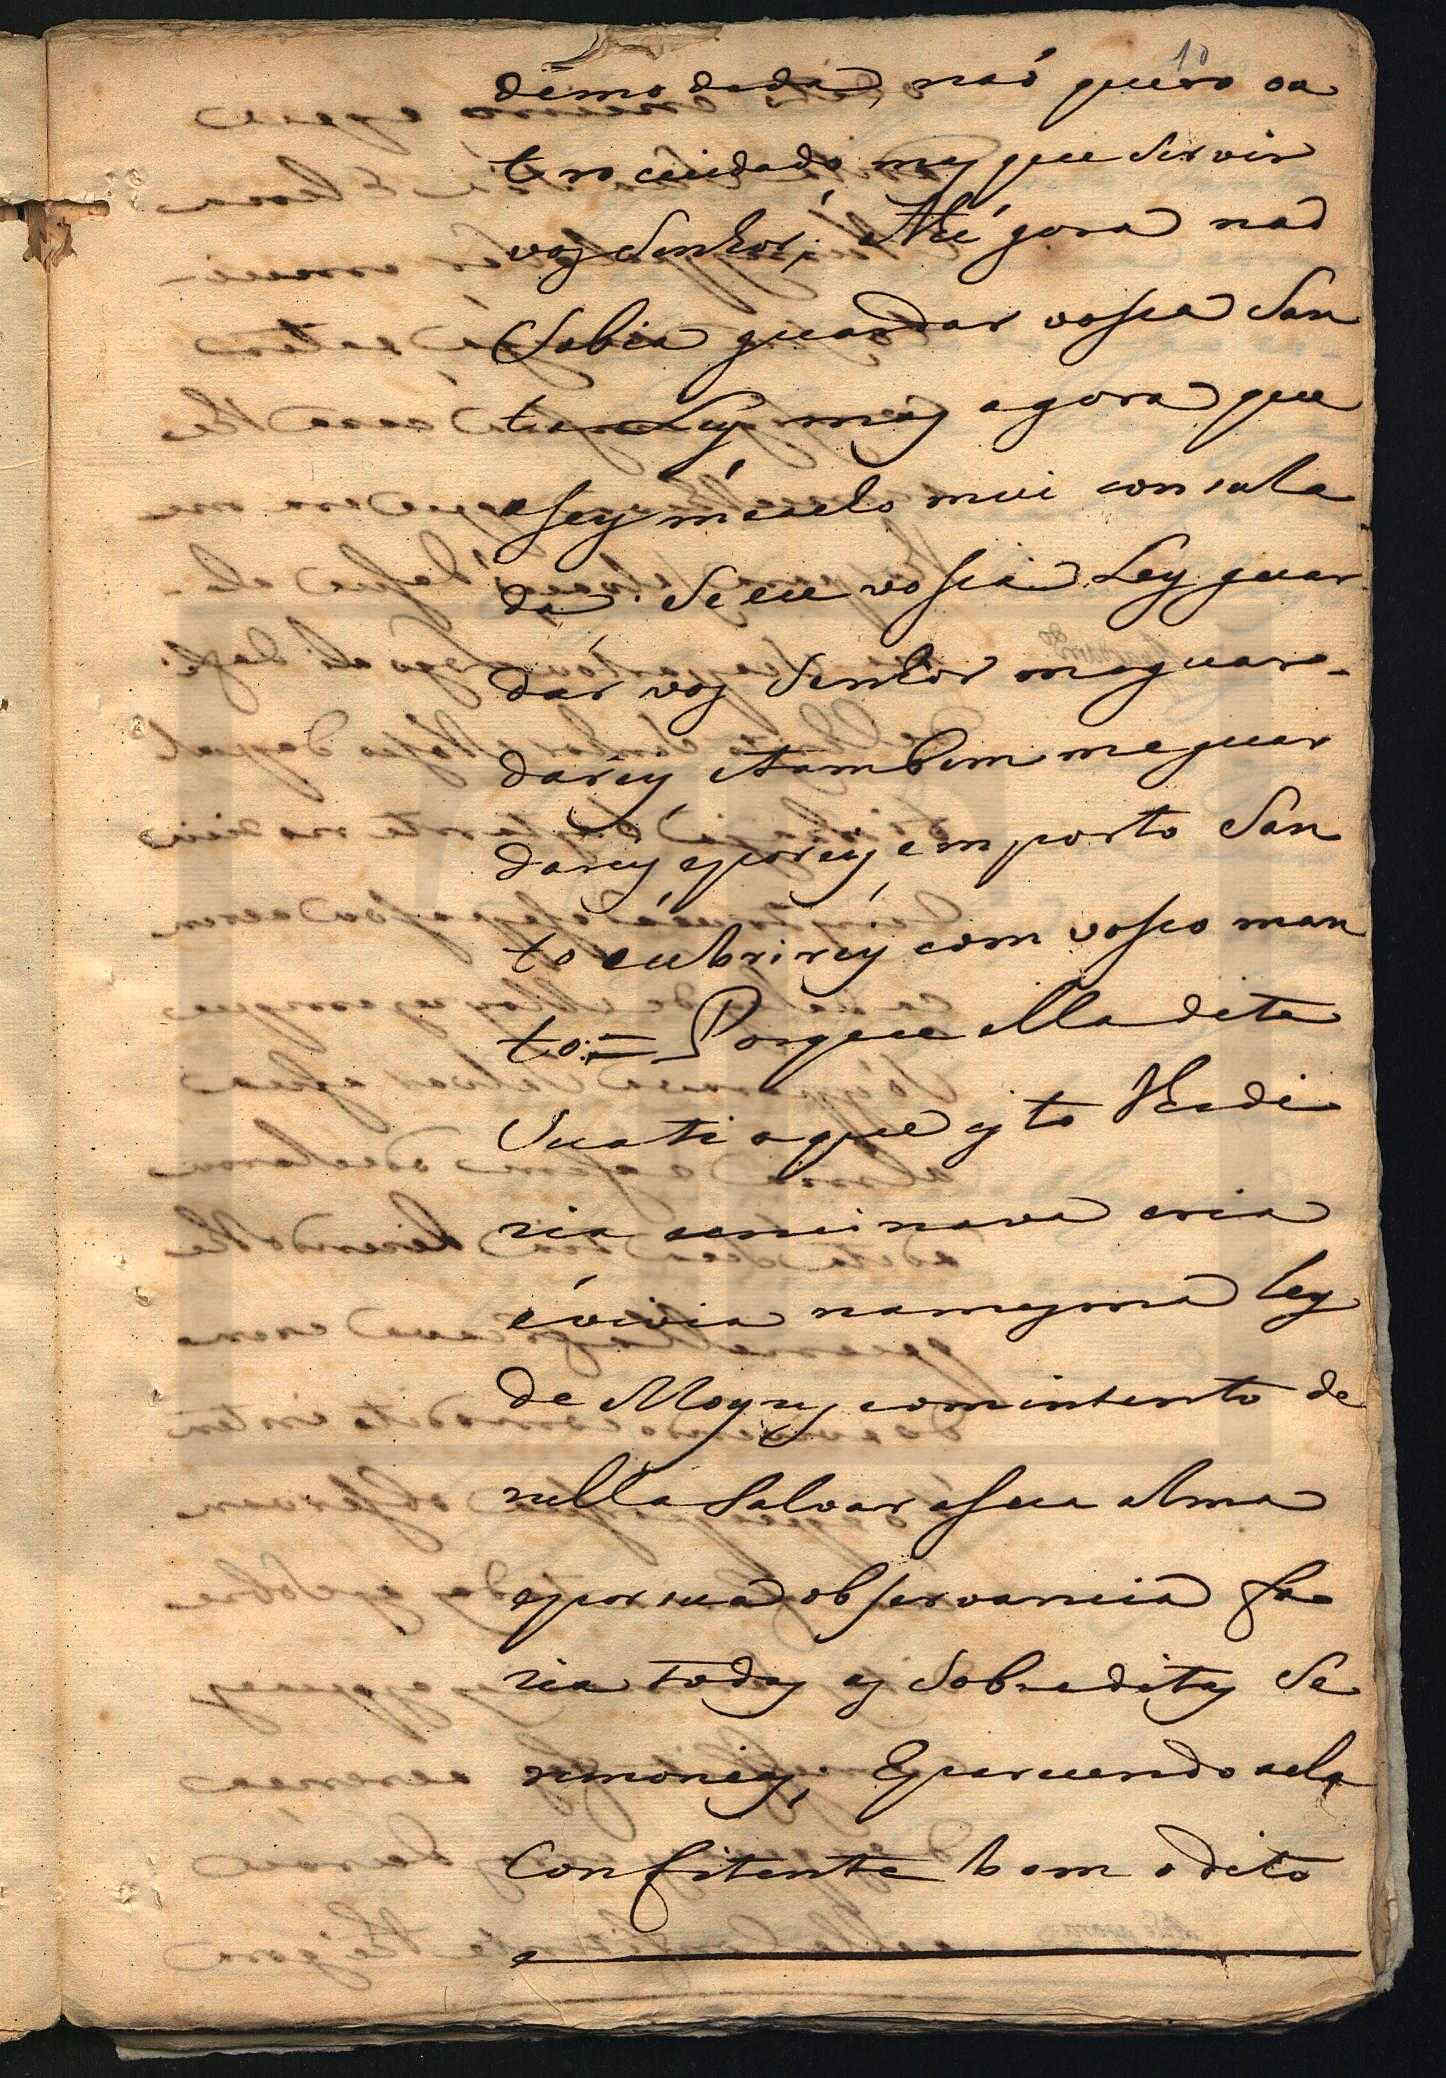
demodada, naõ quero ou
tro cuidado, mas que servir
vos Senhor, athé gora naõ
Sabia guardar vossa San
ta Ley mas agora que
a sey me acho mui consula
da; se eu vossa Ley guar
dar vos Senhor me guar
darey e tambem me guar
darey, e porey em porto San
to cubrirey com vosso man
to = Porque ella dita
sua tia que isto lhe de
zia a ensinava cria
e vivia na mesma ley
de Moyzes com intento de
nella salvar a sua alma
e por sua observancia fa
zia todas as Sobreditas Se
remonias; E parecendo a ela
confitente bom o dito
